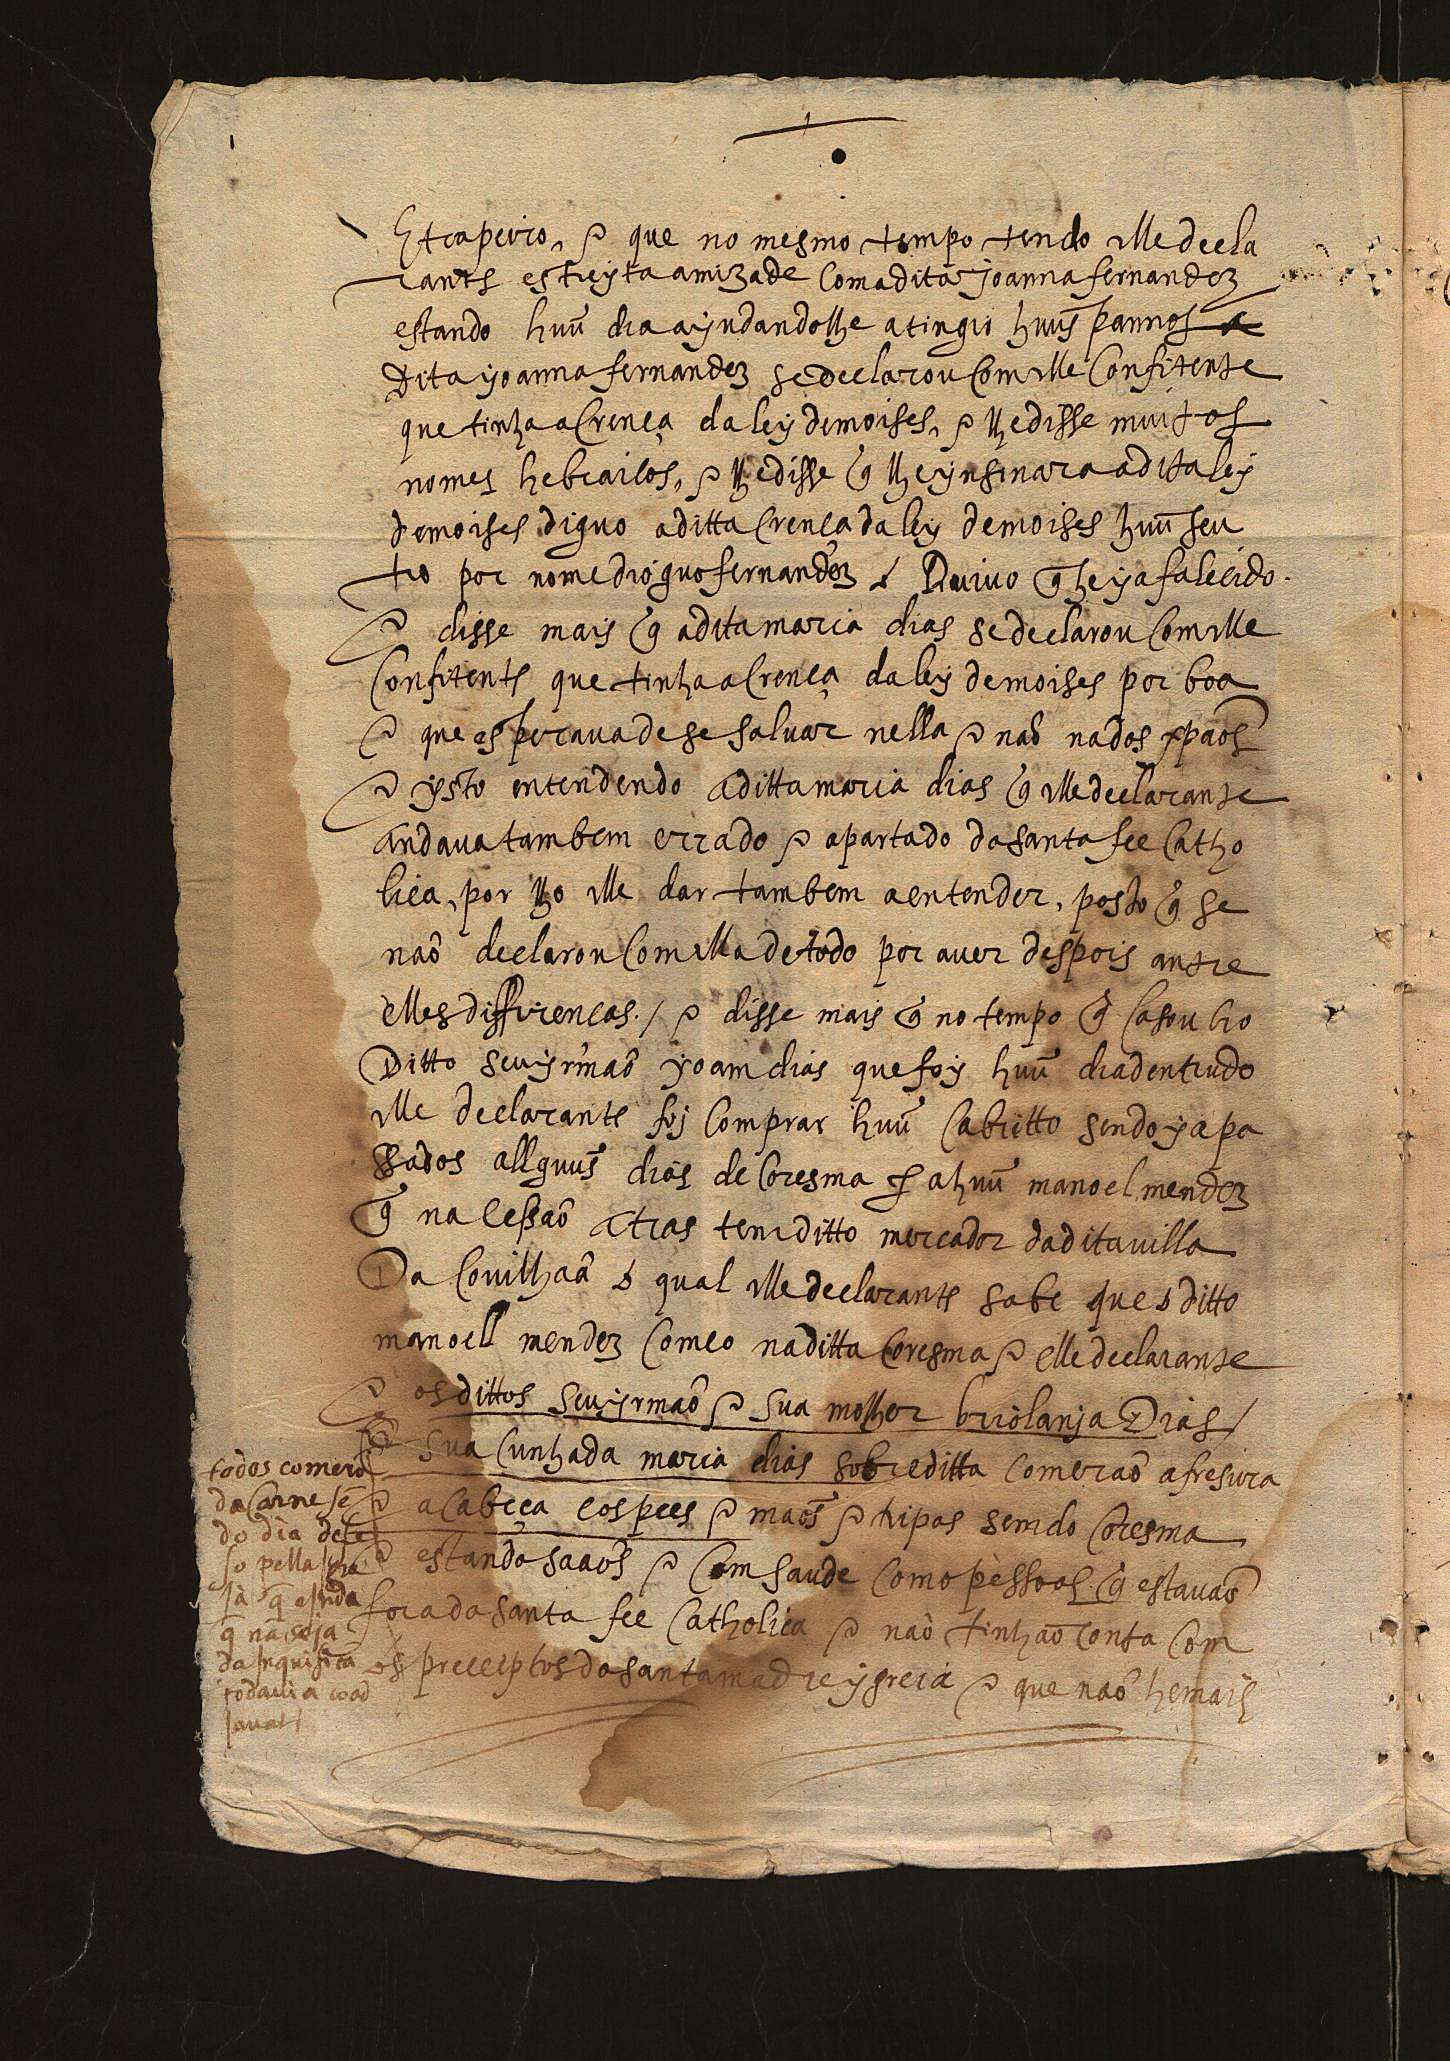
E trapeiro, e que no mesmo tempo tendo elle decla
rantꝭ estreyta amizade com a dita Joanna fernandez
estando huu̅ dia ayudandolhe a tingir huu̅s pannos a
Dita yoanna fernandez se declarou com elle Confitente
que tinha a Crença da ley de moises, e lhe disse muitos
nomes hebraicos, e lhe disse q̅ lhe ynsinara a dita ley
de moises diguo a ditta Crença da ley de moises huu̅ seu
tio por nome dioguo fernandez o Ruiuo q̅ he ya falecido
e disse mais q̅ a dita maria dias se declarou Com elle
Confitente que tinha a Crença da ley de moises por boa
e que esperaua de se saluar nella e não na dos xpaõs
e ysto entendendo a ditta maria dias q̅ elle declarante
andaua tambem errado e apartado da santa fee Catho
lica, por lho elle dar tambem a entender, posto q̅ se
não declarou Com ella de todo por auer despois antre
elles diffirenças./ e disse mais q̅ no tempo q̅ Casou ho
Ditto seu yrmaõ yoam dias que foy huu̅ dia dentrudo
elle declarante foj Comprar huu̅ Cabritto sendo ya pa
ssados allguu̅s dias de Coresma ꝑa huu̅ manoel mendez
q̅ na cessão atras tem ditto mercador da dita uilla
Da Couilhaã o qual elle declarante sabe que o ditto
manoell mendez Comeo na ditta Coresma e elle declarante
e os dittos seu yrmaõ e sua molher briolanja Dias /
e sua cunhada maria dias sobreditta comeraõ a fresura
e a cabeça e os pees e maõs e tripas semdo Coresma
e estando saaõs e Com saude Como pessoas q̅ estauaõ
fora da Santa fee Catholica e não tinhaõ conta Com
os preceiptos da santa madre ygreia e que naõ he mais
